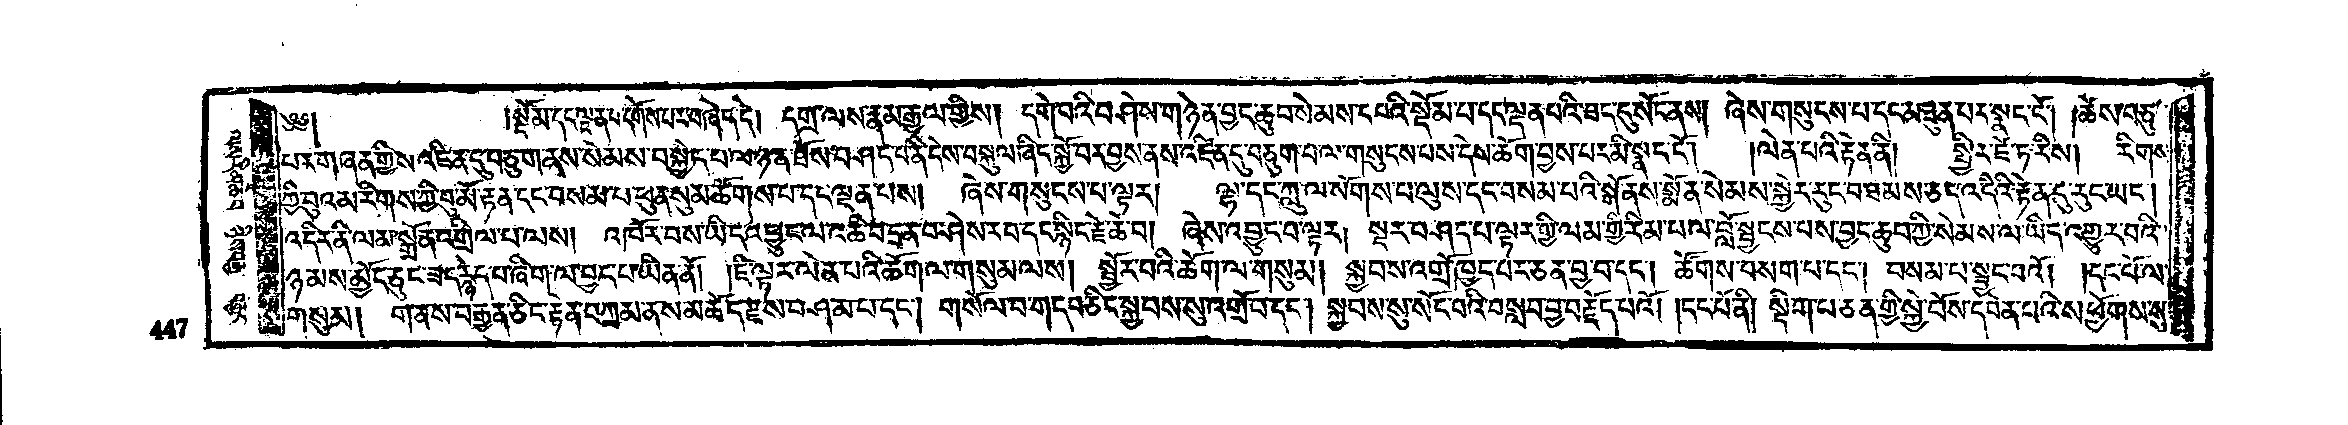༄༅། །སྡོམ་དང་ལྡན་པ་དགོས་པར་བཞེད་དེ། དགྲ་ལས་རྣམ་རྒྱལ་གྱིས། དགེ་བའི་བཤེས་གཉེན་བྱང་ཆུབ་སེམས་དཔའི་སྡོམ་པ་དང་ལྡན་པའི་ཐད་དུ་སོང་ནས། ཞེས་གསུངས་པ་དང་མཐུན་པར་སྣང་ངོ། །ཆོས་བཅུ་
པར་གཞན་གྱིས་འཛིན་དུ་བཅུག་ནས་སེམས་བསྐྱེད་པ་ལ་ཉན་ཐོས་བཤད་པ་ནི་དེས་བསྐུལ་ཞིང་སྐྱོ་བར་བྱས་ནས་འཛིན་དུ་བཅུག་པ་ལ་གསུངས་པས་དེས་ཆོ་ག་བྱས་པར་མི་སྣང་ངོ། །ལེན་པའི་རྟེན་ནི། སྤྱིར་ཇོ་ཏ་རིས། རིགས་
ཀྱི་བུའམ་རིགས་ཀྱི་བུ་མོ་རྟེན་དང་བསམ་པ་ཕུན་སུམ་ཚོགས་པ་དང་ལྡན་པས། ཞེས་གསུངས་པ་ལྟར། ལྷ་དང་ཀླུ་ལ་སོགས་པ་ལུས་དང་བསམ་པའི་སྒོ་ནས་སྨོན་སེམས་སྐྱེར་རུང་བ་ཐམས་ཅད་འདིའི་རྟེན་དུ་རུང་ཡང་།
འདིར་ནི་ལམ་སྒྲོན་འགྲེལ་པ་ལས། འཁོར་བས་ཡིད་འབྱུང་ལ་འཆི་བ་དྲན་པ་ཤེས་རབ་དང་སྙིང་རྗེ་ཆེ་བ། ཞེས་འབྱུང་བ་ལྟར། སྔར་བཤད་པ་ལྟར་གྱི་ལམ་གྱི་རིམ་པ་ལ་བློ་སྦྱངས་པས་བྱང་ཆུབ་ཀྱི་སེམས་ལ་ཡིད་འགྱུར་བའི་
ཉམས་མྱོང་ཅུང་ཟད་རྙེད་པ་ཞིག་ལ་བྱེད་པ་ཡིན་ནོ། །ཇི་ལྟར་ལེན་པའི་ཆོ་ག་ལ་གསུམ་ལས། སྦྱོར་བའི་ཆོ་ག་ལ་གསུམ། སྐྱབས་འགྲོ་ཁྱད་པར་ཅན་བྱ་བ་དང་། ཚོགས་བསག་པ་དང་། བསམ་པ་སྦྱང་བའོ། །དང་པོ་ལོ་
གསུམ། གནས་བརྒྱན་ཅིང་རྟེན་བཀྲམ་ནས་མཆོད་རྫས་བཤམ་པ་དང་། གསོལ་བ་གདབ་ཅིང་སྐྱབས་སུ་འགྲོ་བ་དང་། སྐྱབས་སུ་སོང་བའི་བསླབ་བྱ་བརྗོད་པའོ། །དང་པོ་ནི། སྡིག་པ་ཅན་གྱི་སྐྱེ་བོས་དབེན་པའི་ས་ཕྱོགས་སུ་